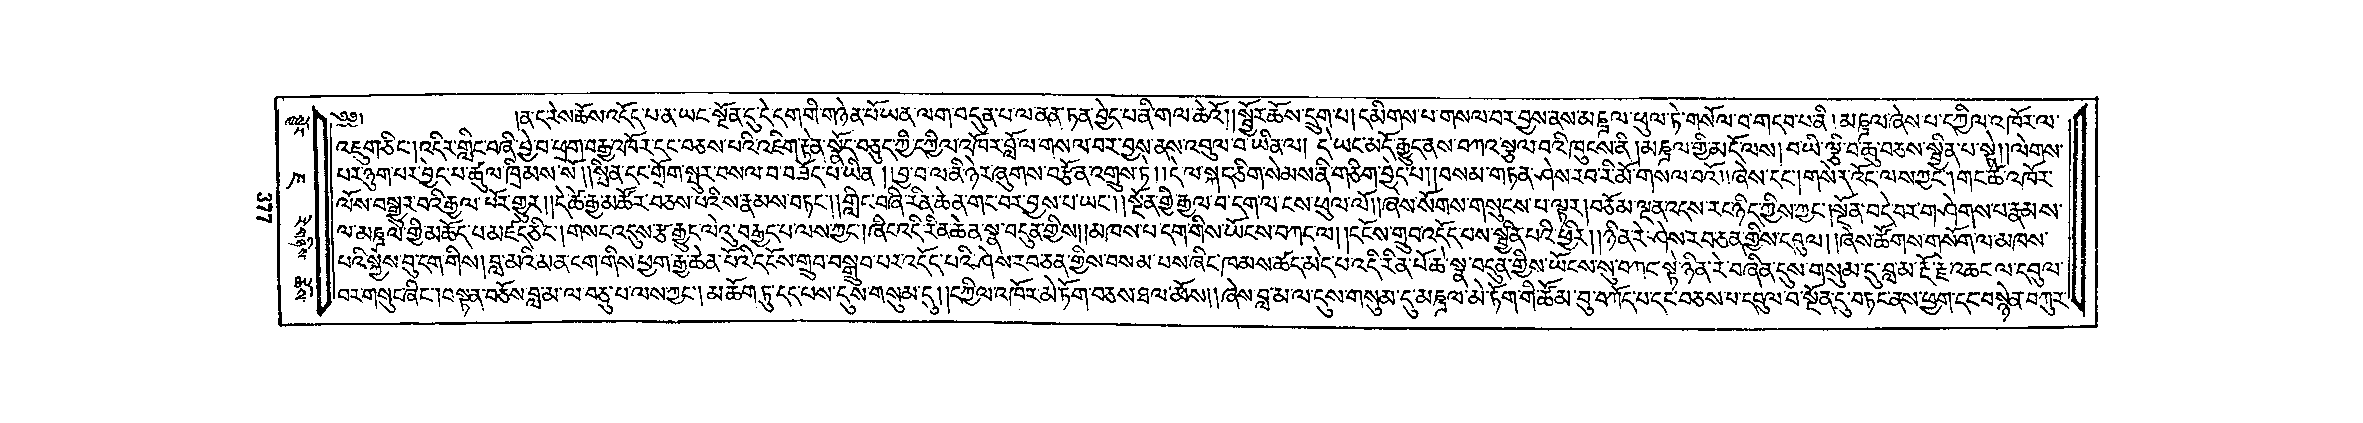༄༅། །ན་ད་རེས་ཆོས་འདོད་པ་ན་ཡང་སྔོན་དུ་དེ་དག་གི་གཉེན་པོ་ཡན་ལག་བདུན་པ་ལ་ནན་ཏན་བྱེད་པ་ནི་གལ་ཆེའོ། །སྦྱོར་ཆོས་དྲུག་པ། དམིགས་པ་གསལ་བར་བྱས་ནས་མཎྜལ་ཕུལ་ཏེ་གསོལ་བ་གདབ་པ་ནི། མཎྜལ་ཞེས་པ་དཀྱིལ་འཁོར་ལ་
འཇུག་ཅིང་། འདིར་གླིང་བཞི་བྱེ་བ་ཕྲག་བརྒྱ་འཁོར་དང་བཅས་པའི་འཇིག་རྟེན་སྣོད་བཅུད་ཀྱི་དཀྱིལ་འཁོར་བློ་ལ་གསལ་བར་བྱས་ནས་འབུལ་བ་ཡིན་ལ། དེ་ཡང་མདོ་རྒྱུད་ནས་བཀའ་སྩལ་བའི་ཁུངས་ནི། མཎྜལ་གྱི་མདོ་ལས། བ་ཡི་ལྕི་བ་ཆུ་བཅས་སྦྱིན་པ་སྟེ། །ལེགས་
པར་ཉུག་པར་བྱེད་པ་ཚུལ་ཁྲིམས་སོ། །སྤིན་དང་གྲོག་སྤུར་བསལ་བ་བཟོད་པ་ཡིན། །བྱ་བ་ལ་ནི་ཉེར་ཞུགས་བརྩོན་འགྲུས་ཏེ། །དེ་ལ་སྐད་ཅིག་སེམས་ནི་གཅིག་བྱེད་པ། །བསམ་གཏན་ཤེས་རབ་རི་མོ་གསལ་བའོ། །ཞེས་དང་། གསེར་འོད་ལས་ཀྱང་། གང་ཚེ་འཁོར་
ལོས་བསྒྱུར་བའི་རྒྱལ་པོར་གྱུར། །དེ་ཚེ་རྒྱ་མཚོར་བཅས་པའི་ས་རྣམས་བཏང་། །གླིང་བཞི་རིན་ཆེན་གང་བར་བྱས་པ་ཡང་། །སྔོན་གྱི་རྒྱལ་བ་དག་ལ་ངས་ཕུལ་ལོ། །ཞེས་སོགས་གསུངས་པ་ལྟར། བཅོམ་ལྡན་འདས་རང་ཉིད་ཀྱིས་ཀྱང་། སྔོན་བདེ་བར་གཤེགས་པ་རྣམས་
ལ་མཎྜལ་གྱི་མཆོད་པ་མཛད་ཅིང་། གསང་འདུས་རྩ་རྒྱུད་ལེའུ་བརྒྱད་པ་ལས་ཀྱང་། ཞིང་འདི་རིན་ཆེན་སྣ་བདུན་གྱིས། །མཁས་པ་དག་གིས་ཡོངས་བཀང་ལ། །དངོས་གྲུབ་འདོད་པས་སྦྱིན་པའི་ཕྱིར། །ཉིན་རེ་ཤེས་རབ་ཅན་གྱིས་དབུལ། །ཞེས་ཚོགས་གསོག་ལ་མཁས་
པའི་སྐྱེས་བུ་ངག་གིས། བླ་མའི་མན་ངག་གིས་ཕྱག་རྒྱ་ཆེན་པོའི་དངོས་གྲུབ་བསྒྲུབ་པར་འདོད་པའི་ཤེས་རབ་ཅན་གྱིས་བསམ་པས་ཞིང་ཁམས་ཚད་མེད་པ་འདི་རིན་པོ་ཆེ་སྣ་བདུན་གྱིས་ཡོངས་སུ་བཀང་སྟེ་ཉིན་རེ་བཞིན་དུས་གསུམ་དུ་བླ་མ་རྡོ་རྗེ་འཆང་ལ་དབུལ་
བར་གསུང་ཞིང་། བསྟན་བཅོས་བླ་མ་ལ་བཅུ་པ་ལས་ཀྱང་། མཆོག་ཏུ་དད་པས་དུས་གསུམ་དུ། །དཀྱིལ་འཁོར་མེ་ཏོག་བཅས་ཐལ་མོས། །ཞེས་བླ་མ་ལ་དུས་གསུམ་དུ་མཎྜལ་མེ་ཏོག་གི་ཚོམ་བུ་བཀོད་པ་དང་བཅས་པ་དབུལ་བ་སྔོན་དུ་བཏང་ནས་ཕྱག་དང་བསྙེན་བཀུར་